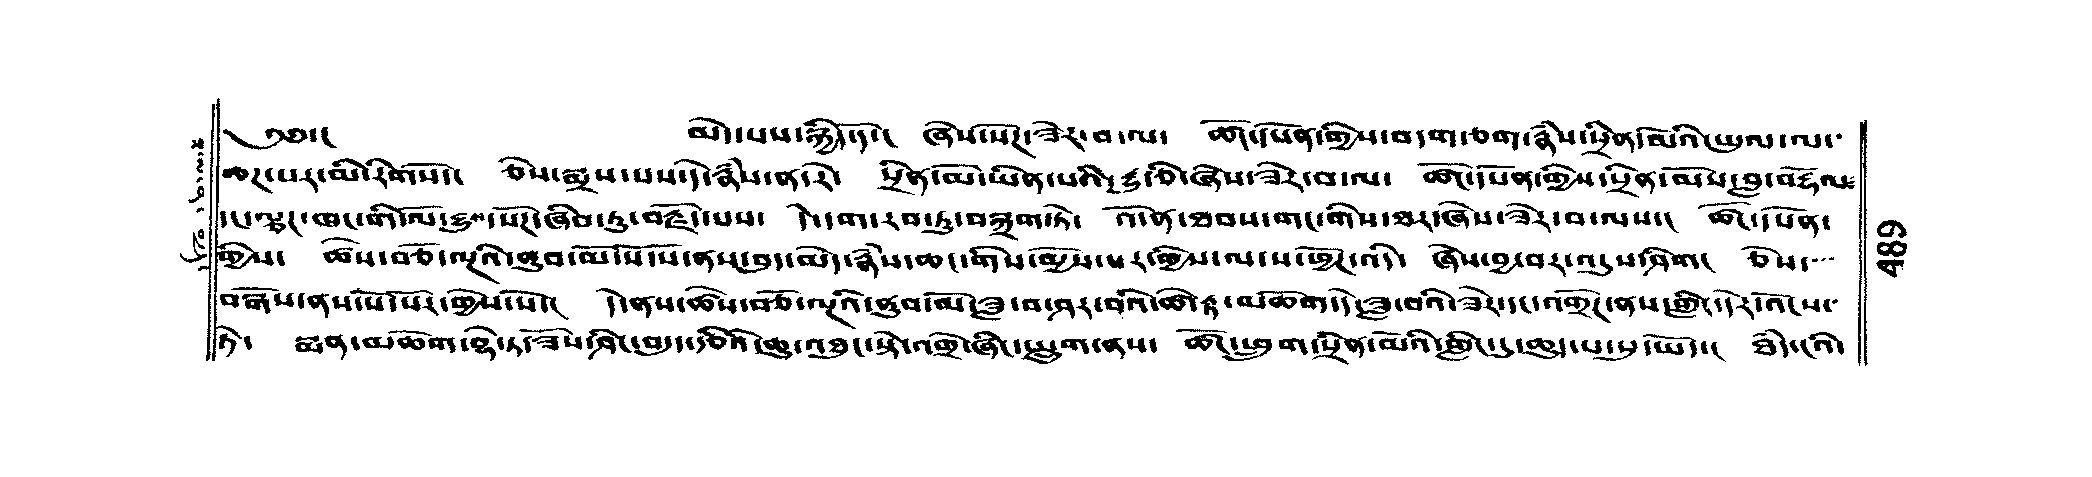མེད་པས་སྐྱིད་དོ། ཞེས་སོགས་ཟེར་བ་ལ། ཚོང་དཔོན་གྱིས་བདག་ཅག་རྣམས་སྲིན་མོའི་ཡུལ་ལ་
ཆགས་པར་མི་རིགས་སོ། ཞེས་སྨྲས་པས་དེ་རྣམས་ན་རེ། སྲིན་མོ་ཡིན་པའི་རྒྱུ་ཅི་ཞེས་ཟེར་བ་ལ། ཚོང་དཔོན་གྱི་སྲིན་མོས་བླ་བརྟོལ་
དང་ལྕགས་ཁང་གི་ལོ་རྒྱུས་སོགས་ཞིབ་ཏུ་བརྗོད་པས། དེ་དག་རབ་ཏུ་བསྐྲག་ཏེ། འོ་ན་ཐབས་གང་གིས་ཐར་ཞེས་ཟེར་བ་ལས། ཚོང་དཔོན་
གྱིས། ཚེས་བཅོ་ལྔའི་ནུབ་མོ་སོ་སོ་ནས་བུད་མེད་རྣམས་ཆང་གིས་མྱོས་པར་གྱིས་ལ་ས་ཕྱོགས་འདི་ཞེས་བྱ་བར་འདུས་ཤིག ཅེས་
བསྒོས་ནས་སོ་སོར་གྱེས་སོ། དེ་ནས་ཚེས་བཅོ་ལྔའི་ནུབ་མོ་ཟླ་བ་ཤར་བའི་ཚེ་རྟ་མཆོག་དེ་ཟླ་བའི་ཟེར་དང་འགྲོགས་ནས་གླིང་དེར་འོངས་
ཏེ། སྨན་མཆོག་བྷེ་ཏ་ཟོས་ཤིང་བདུད་རྩིའི་ཆུ་འཐུང་སྟེ་འགྲོ་ཞིང་སྤྲུག་ནས། ཚོང་ཕྲུག་སྲིན་མོའི་གླིང་དུ་ཆུད་པ་སུ་ཡོད། ཐམས་ཅད་ངའི་